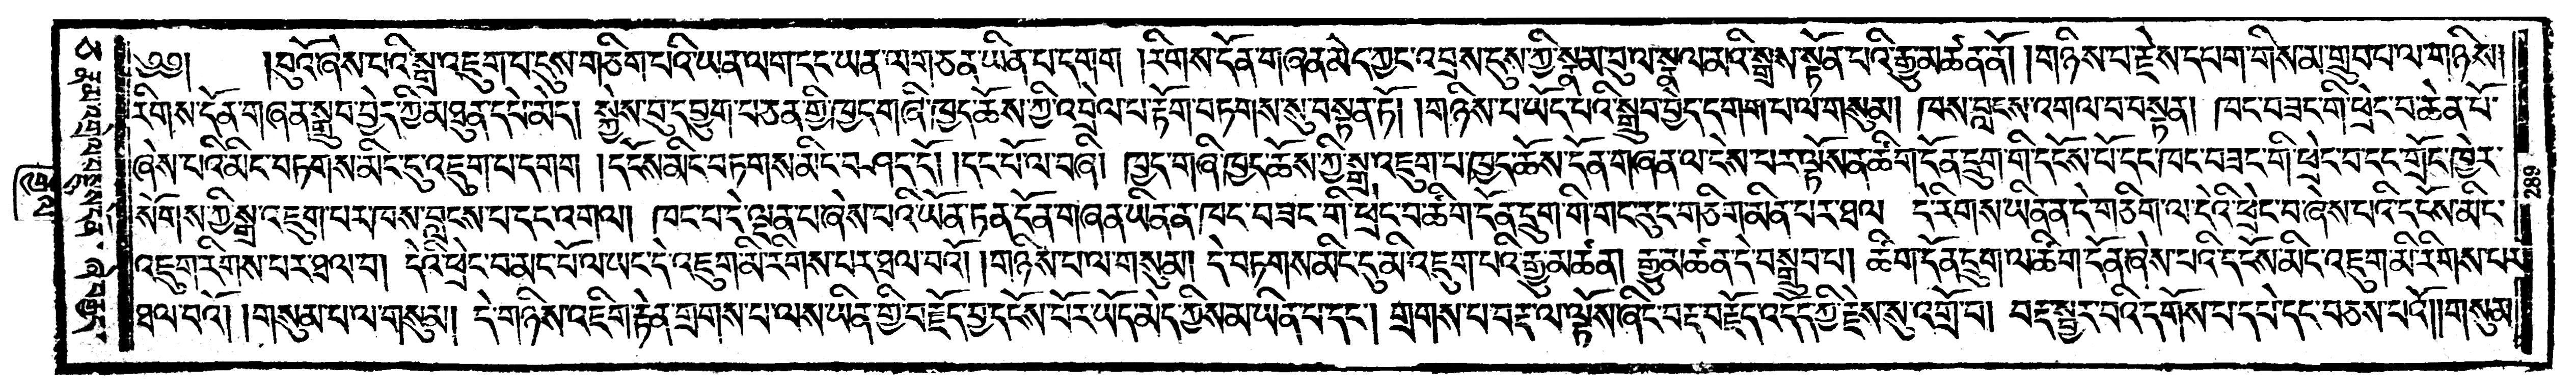༄༅། །བུའོ་ཞེས་པའི་སྒྲ་འཇུག་པ་དུས་གཅིག་པའི་ཡན་ལག་དང་ཡན་ལག་ཅན་ཡིན་པ་དགག །རིགས་དོན་གཞན་མེད་ཀྱང་འབྲས་དུས་ཀྱི་སྣམ་བུ་ལ་སྣལ་མའི་སྒྲས་སྟོན་པའི་རྒྱུ་མཚན་ནོ། །གཉིས་པ་རྗེས་དཔག་གིས་མ་གྲུབ་པ་ལ་གཉིས།
རིགས་དོན་གཞན་སྒྲུབ་བྱེད་ཀྱི་མཐུན་དཔེ་མེད། སྐྱེས་བུ་དབྱུག་པ་ཅན་གྱི་ཁྱད་གཞི་ཁྱད་ཆོས་ཀྱི་འབྲེལ་པ་རྟོག་བཏགས་སུ་བསྟན་ཏོ། །གཉིས་པ་ཡོད་པའི་སྒྲུབ་བྱེད་དགག་པ་ལ་གསུམ། ཁས་བླངས་འགལ་བ་བསྟན། ཁང་བཟང་གི་ཕྲེང་བ་ཆེན་པོ་
ཞེས་པའི་མིང་བཏགས་མིང་དུ་འཇུག་པ་དགག །དངོས་མིང་བཏགས་མིང་བཤད་དོ། །དང་པོ་ལ་བཞི། ཁྱད་གཞི་ཁྱད་ཆོས་ཀྱི་སྒྲ་འཇུག་པ་ཁྱད་ཆོས་དོན་གཞན་ལ་ངེས་པར་ལྟོས་ན་ཚིག་དོན་དྲུག་གི་དངོས་པོ་དང་ཁང་བཟང་གི་ཕྲེང་བ་དང་གྲོང་ཁྱེར་
སོགས་ཀྱི་སྒྲ་འཇུག་པར་ཁས་བླངས་པ་དང་འགལ། ཁང་པ་དེ་ལྡན་པ་ཞེས་པའི་ཡོན་ཏན་དོན་གཞན་ཡིན་ན་ཁང་བཟང་གི་ཕྲེང་བ་ཚིག་དོན་དྲུག་གི་གང་རུང་གཅིག་མིན་པར་ཐལ། དེ་རིགས་ཡིན་ན་དེ་གཅིག་ལ་དེའི་ཕྲེང་བ་ཞེས་པའི་དངོས་མིང་
འཇུག་རིགས་པར་ཐལ་བ། དེའི་ཕྲེང་བ་མང་པོ་ལ་ཡང་དེ་འཇུག་མི་རིགས་པར་ཐལ་བའོ། །གཉིས་པ་ལ་གསུམ། དེ་བཏགས་མིང་དུ་མི་འཇུག་པའི་རྒྱུ་མཚན། རྒྱུ་མཚན་དེ་བསྒྲུབ་པ། ཚིག་དོན་དྲུག་ལ་ཚིག་དོན་ཞེས་པའི་དངོས་མིང་འཇུག་མི་རིགས་པར་
ཐལ་བའོ། །གསུམ་པ་ལ་གསུམ། དེ་གཉིས་འཇིག་རྟེན་གྲགས་པ་ལས་ཡིན་གྱི་བརྗོད་བྱ་དངོས་པོར་ཡོད་མེད་ཀྱིས་མ་ཡིན་པ་དང་། གྲགས་པ་བརྡ་ལ་ལྟོས་ཞིང་བརྡ་བརྗོད་འདོད་ཀྱི་རྗེས་སུ་འགྲོ་བ། བརྡ་སྦྱར་བའི་དགོས་པ་དཔེ་དང་བཅས་པའོ། །གསུམ་